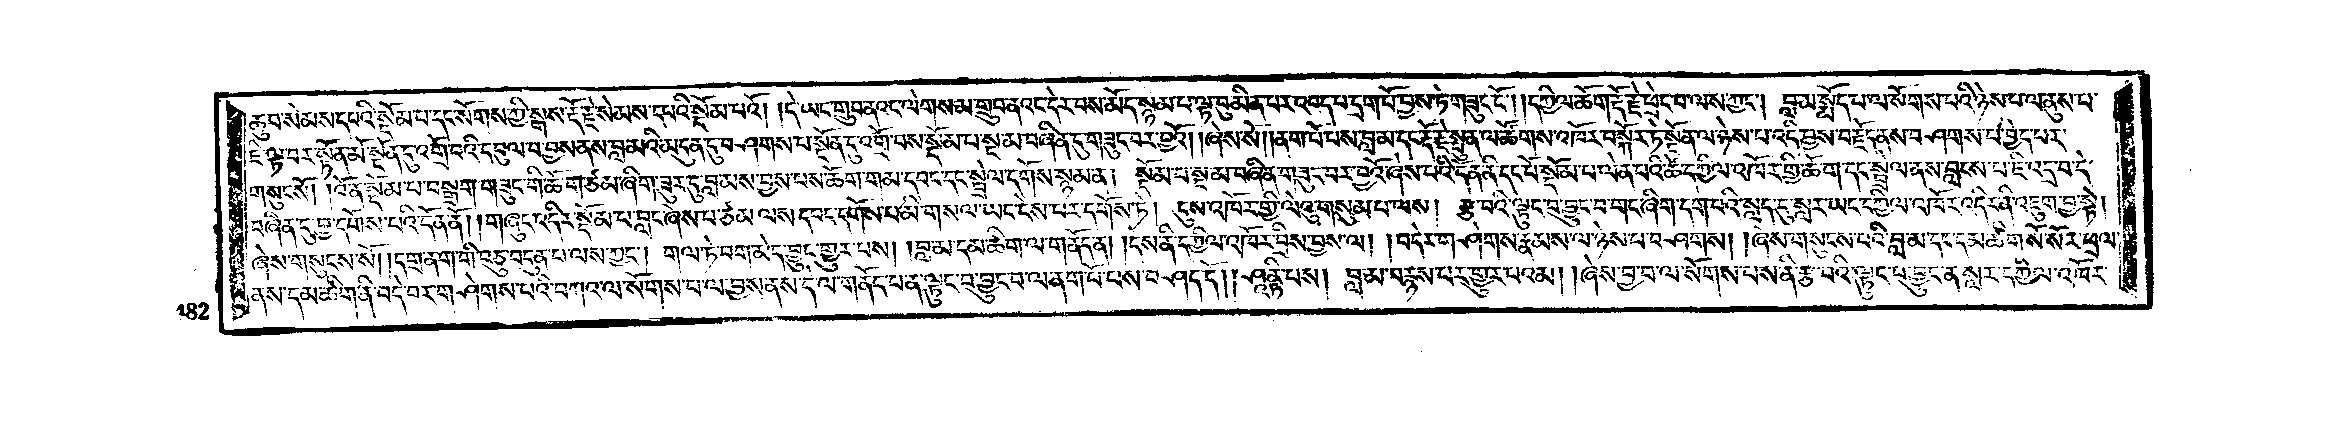ཆུབ་སེམས་དཔའི་སྡོམ་པ་དང་སོགས་ཀྱི་སྒས་རྡོ་རྗེ་སེམས་དཔའི་སྡོམ་པའོ། །དེ་ཡང་གྲུབ་ནའང་ལེགས་མ་གྲུབ་ནའང་དེར་བས་མོད་སྙམ་པ་ལྟ་བུ་མིན་པར་འབད་པ་དྲག་པོ་བྱས་ཏེ་གཟུང་གོ། །དཀྱིལ་ཆོག་རྡོ་རྗེ་ཕྲེང་བ་ལས་ཀྱང་། བླ་མ་སྨོད་པ་ལ་སོགས་པའི་ཉེས་པ་ལ་ནུས་པ་
ཇི་ལྟ་བར་སྟོན་མོ་སྔོན་དུ་འགྲོ་བའི་དབུལ་བ་བྱས་ནས་ཟླ་མའི་མདུན་དུ་བཤགས་པ་སྔོན་དུ་འགྲོ་བས་སྡོམ་པ་སྔ་མ་བཞིན་དུ་གཟུང་བར་བྱའོ། །ཞེས་སོ། །ནག་པོ་པས་བླ་མ་དང་རྡོ་རྗེ་སྤུན་ལ་ཚོགས་འཁོར་བསྐོར་ཏེ་སྔོན་ལ་ཉེས་པ་འདི་བྱས་བརྗོད་ནས་བཤགས་པ་བྱེད་པར་
གསུངས་སོ། །འོ་ན་སྡོམ་པ་བསྒྲག་གཟུང་གི་ཆོ་ག་ཙམ་ཞིག་ཟུར་དུ་བླ་མས་བྱས་པས་ཆོག་གམ་དབང་དང་སྦྲེལ་དགོས་སྙམ་ན། སྡོམ་པ་སྔ་མ་བཞིན་གཟུང་བར་བྱའོ་ཞེས་པའི་དོན་ནི་དང་པོ་སྡོམ་པ་ལེན་པའི་ཚེ་དཀྱིལ་འཁོར་གྱི་ཆོ་ག་དང་སྦྲེལ་ནས་བླངས་པ་ཇི་འདྲ་བ་དེ་
བཞིན་དུ་བྱ་དགོས་པའི་དོན་ནོ། །གཞུང་འདིར་སྡོམ་པ་བླང་ཞེས་པ་ཙམ་ལས་དབང་དགོས་པ་མི་གསལ་ཡང་ངེས་པར་དགོས་ཏེ། དུས་འཁོར་གྱི་ལེའུ་གསུམ་པ་ལས། རྩ་བའི་ལྟུང་བ་བྱུང་བ་གང་ཞིག་དག་པའི་སླད་དུ་སླར་ཡང་དཀྱིལ་འཁོར་འདིར་ནི་འཇུག་བྱ་སྟེ།
ཞེས་གསུངས་སོ། །དགྲ་ནག་གི་བཅུ་བདུན་པ་ལས་ཀྱང་། གལ་ཏེ་བག་མེད་བྱུང་གྱུར་པས། །བླ་མ་དམ་ཚིག་ལ་གནོད་ན། །དེས་ནི་དཀྱིལ་འཁོར་བྲིས་བྱས་ལ། །བདེར་གཤེགས་རྣམས་ལ་ཉེས་པ་བཤགས། །ཞེས་གསུངས་པའི་བླ་མ་དང་དམ་ཚིག་སོ་སོར་ཕྲལ་
ནས་དམ་ཚིག་ནི་བདེ་བར་གཤེགས་པའི་བཀའ་ལ་སོགས་པ་ལ་བྱས་ནས་དེ་ལ་གནོད་པ་ན་ལྟུང་བ་བྱུང་བ་ལ་ནག་པོ་པས་བཤད་དོ། །ཤཱནྟི་པས། བླ་མ་བརྙས་པར་གྱུར་པའམ། །ཞེས་བྱ་བ་ལ་སོགས་པས་ནི་རྩ་བའི་ལྟུང་པ་བྱུང་ན་སླར་དཀྱིལ་འཁོར་